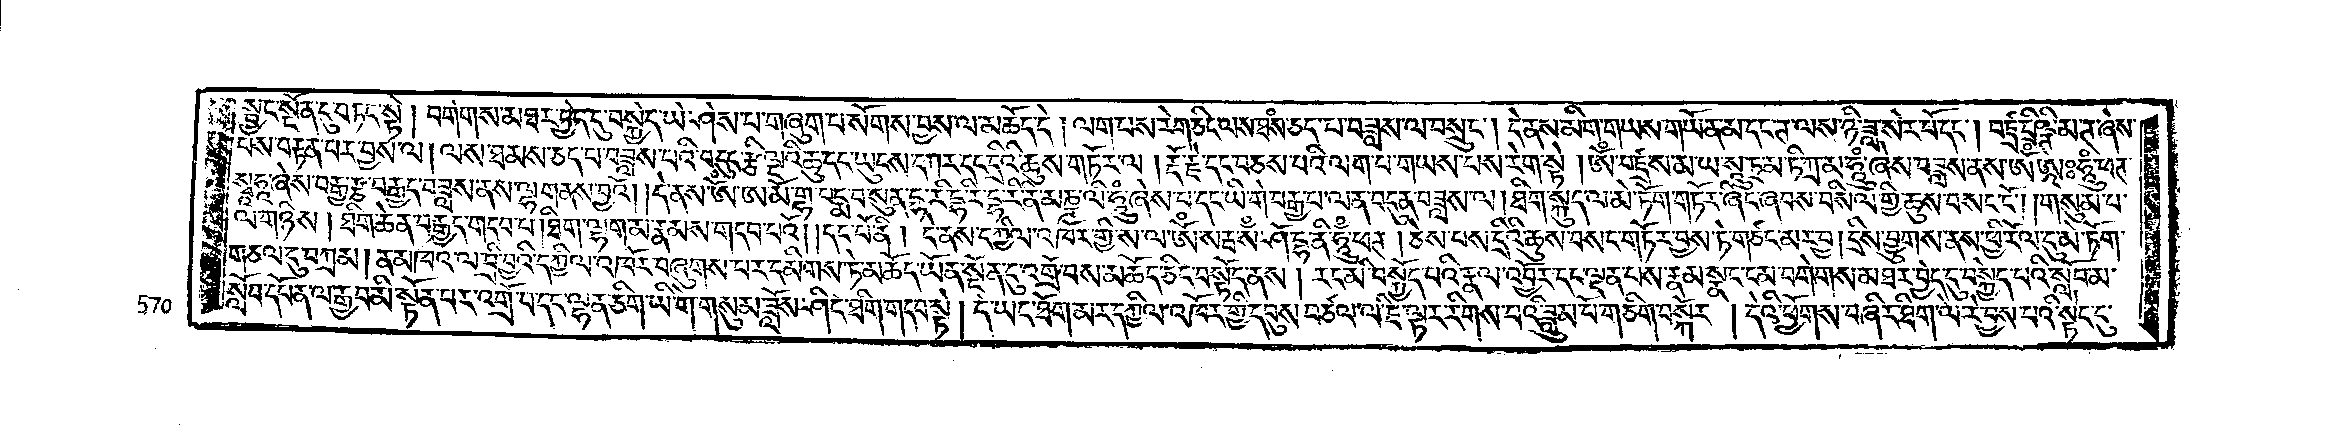སྦྱང་སྔོན་དུ་བཏང་སྟེ། བགེགས་མཐར་བྱེད་དུ་བསྐྱེད་ཡེ་ཤེས་པ་གཞུག་པ་སོགས་བྱས་ལ་མཆོད་དེ། ལག་པས་རེག་ཅིང་ལས་ཐམས་ཅད་པ་བཟླས་ལ་བསྲུང་། དེ་ནས་མིག་གཡས་གཡོན་མ་དང་ཊ་ལས་ཉི་ཟླ་སེར་པོ་དང་། བཛྲ་དྲིཥྚི་མ་ཊ་ཞེས་
པས་བརྟན་པར་བྱས་ལ། ལས་ཐམས་ཅད་པ་བཟླས་པའི་བདུད་རྩི་ལྔའི་ཆུ་དང་ཡུངས་དཀར་དང་དྲིའི་ཆུས་གཏོར་ལ། རྡོ་རྗེ་དང་བཅས་པའི་ལག་པ་གཡས་པས་རེག་སྟེ། ཨོཾ་བཛྲ་ས་མ་ཡ་སཱུ་ཏྲ་མ་ཏི་ཀྲ་མ་ཧཱུཾ་ཞེས་བཟླས་ནས་ཨོཾ་ཨཱཿ ཧཱུཾ་ཕཊ་
སྭཱ་ཧཱ་ཞེས་བརྒྱ་རྩ་བརྒྱད་བཟླས་ནས་ལྷ་གནས་བྱའོ། །དེ་ནས་ཨོཾ་ཨ་མོ་གྷ་པདམ་བ་སུན་དྷ་རི་དྷ་རི་དྷ་རི་ནི་མཎྜ་ལི་ཧཱུཾ་ཞེས་པ་དང་ཡི་གེ་བརྒྱ་པ་ལན་བདུན་བཟླས་ལ། ཐིག་སྐུད་ལ་མེ་ཏོག་གཏོར་ཞིང་ཞབས་བསིལ་གྱི་ཆུས་བསང་ངོ། །གསུམ་པ་
ལ་གཉིས། ཐིག་ཆེན་བརྒྱད་གདབ་པ། ཐིག་ལྷག་མ་རྣམས་གདབ་པའོ། །དང་པོ་ནི། དེ་ནས་དཀྱིལ་འཁོར་གྱི་ས་ལ་ཨོཾ་སརྦ་སཾ་ཤོ་དྷ་ནི་ཧཱུཾ་ཕཊ། ཅེས་པས་དྲིའི་ཆུས་བསང་གཏོར་བྱས་ཏེ་གཙང་མར་བྱ། དྲིས་བྱུགས་ནས་ཕྱི་རོལ་དུ་མེ་ཏོག་
གཅལ་དུ་བཀྲམ། ནམ་མཁའ་ལ་བྲི་བྱའི་དཀྱིལ་འཁོར་བཞུགས་པར་དམིགས་ཏེ་མཆོད་ཡོན་སྔོན་དུ་འགྲོ་བས་མཆོད་ཅིང་བསྟོད་ནས། རང་མི་བསྐྱོད་པའི་རྣལ་འབྱོར་དང་ལྡན་པས་རྣམ་སྣང་ངམ་བགེགས་མཐར་བྱེད་དུ་བསྐྱེད་པའི་སློབ་མ་
སློབ་དཔོན་ལ་རྒྱབ་མི་སྟོན་པར་འགྲོ་བ་དང་ལྷན་ཅིག་ཡི་གེ་གསུམ་ཟློས་ཤིང་ཐིག་གདབ་སྟེ། དེ་ཡང་ཐོག་མར་དཀྱིལ་འཁོར་གྱི་དབུས་བཙལ་ལ་ཇི་ལྟར་རིགས་པའི་ཟླུམ་པོ་གཅིག་བསྐོར། དེའི་ཕྱོགས་བཞིར་ཐིག་ལེ་རེ་བྱས་པའི་སྟེང་དུ་